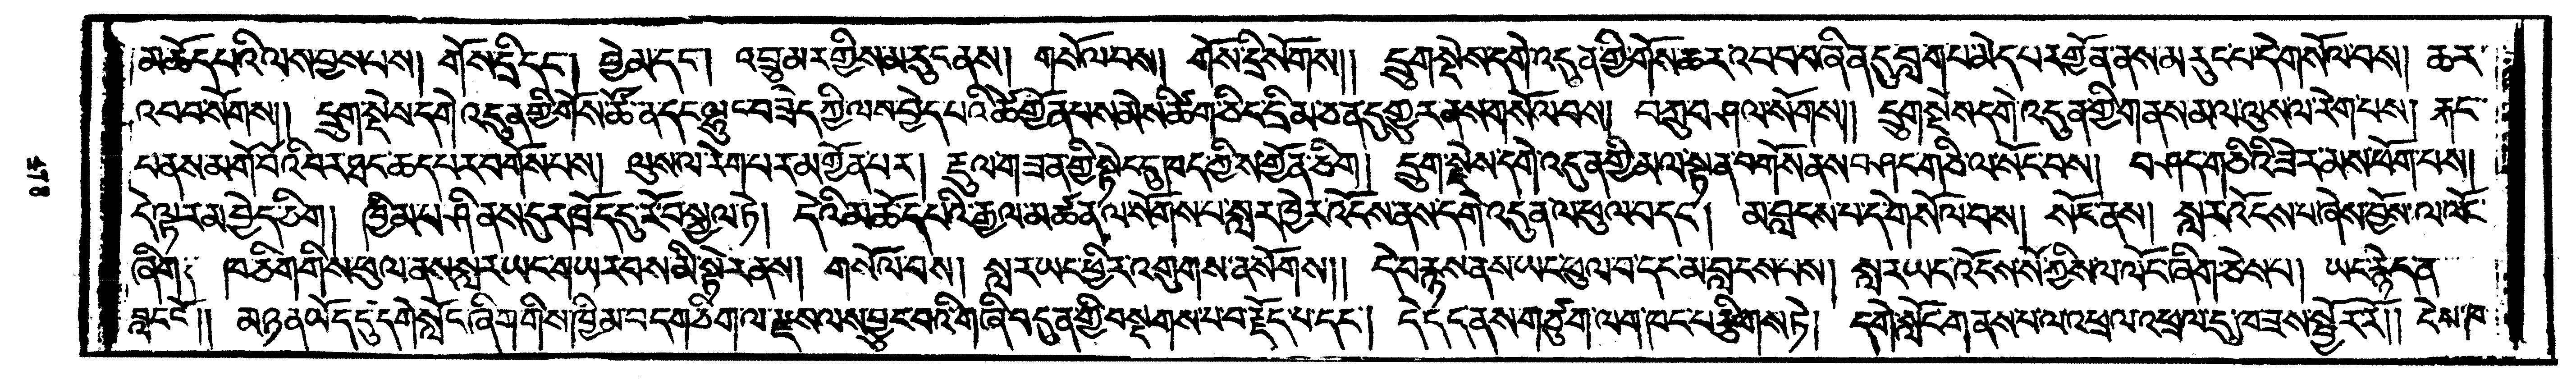མཆོད་པའི་ལས་བྱས་པས། གོས་དྲི་དང་། བྱེ་མ་དང་། འབྲུ་མར་གྱིས་མ་རུང་ནས། གསོལ་བས། གོས་དྲི་སོགས།། དྲུག་སྡེས་དགེ་འདུན་གྱི་གོས་ཆར་འབབ་བཞིན་དུ་བླག་པ་མེད་པར་གྱོན་ནས་མ་རུང་པ་དེ་གསོལ་བས། ཆར་
འབབ་སོགས།། དྲུག་སྡེས་དགེ་འདུན་གྱི་གོས་ཚོ་ན་དང་ལྷུང་བཟེད་ཀྱི་ལས་བྱེད་པའི་ཚེ་གྱོན་པས་མེས་ཚིག་ཅིང་དྲི་མ་ཅན་དུ་གྱུར་ནས་གསོལ་བས། བཀྲུ་བཤལ་སོགས།། དྲུག་སྡེས་དགེ་འདུན་གྱི་གནས་མལ་ལུས་ལ་རེག་པས། རྐང་
པ་ནས་མགོ་བོའི་བར་ཐང་ཆད་པར་བགོས་པས། ལུས་ལ་རེག་པར་མགྱོན་པར། རྡུལ་གཟན་གྱི་སྟེང་དུ་ཁད་ཀྱིས་གྱོན་ཅིག། དྲུག་སྫེས་དགེ་འདུན་གྱི་མལ་སྟན་བགོས་ནས་བཤང་གཅི་ལ་སོང་བས། བཤད་གཅིའི་ཟེར་མས་ཕོག་པས།
དེ་ལྟར་མ་བྱེད་ཅིག། ཁྱིམ་པ་ཤི་ནས་དུར་ཁྲོད་དུ་རོ་བསྐྱལ་ཏེ། དེའི་མཆོད་པའི་རྒྱལ་མཚན་ལ་སོགས་པ་སླར་ཁྱེར་འོངས་ནས་དགེ་འདུན་ལ་ཕུལ་བ་དང་། མ་བླངས་པ་དེ་གསོལ་བས། སོང་ནས། སླར་འོངས་པ་ཞེས་བྱོས་ལ་ལོང་
ཞིག༑ ཁ་ཅིག་གིས་ཕུལ་ནས་སླར་ཡང་གཡར་བས་མི་སྟེར་ནས། གསོལ་བས། སླར་ཡང་ཕྱིར་འགུགས་ན་སོགས།། དེ་བརྙས་ནས་ཡང་ཕུལ་བ་དང་མ་བླངས་པས། སླར་ཡང་འོངས་སོ་ཀྱིས་ལ་ལོང་ཞིག་ཅེས་པ། ཡང་རྙེད་ན་
བླང་ངོ།། མཉན་ཡོད་དུ་དགེ་སློང་ཞིག་གིས་ཁྱིམ་བདག་ཅིག་ལ་རྫས་ལས་བྱུང་བའི་གཞི་བདུན་གྱི་བསྔགས་པ་བརྗོད་པ་དང་། དེ་དད་ནས་གཙུག་ལག་ཁང་པ་རྩིགས་ཏེ། དགེ་སློང་གནས་པ་ལ་འཕྲལ་འཕྲལ་དུ་ཁ་ཟས་སྦྱོར་རོ།། དེས་ཁ་